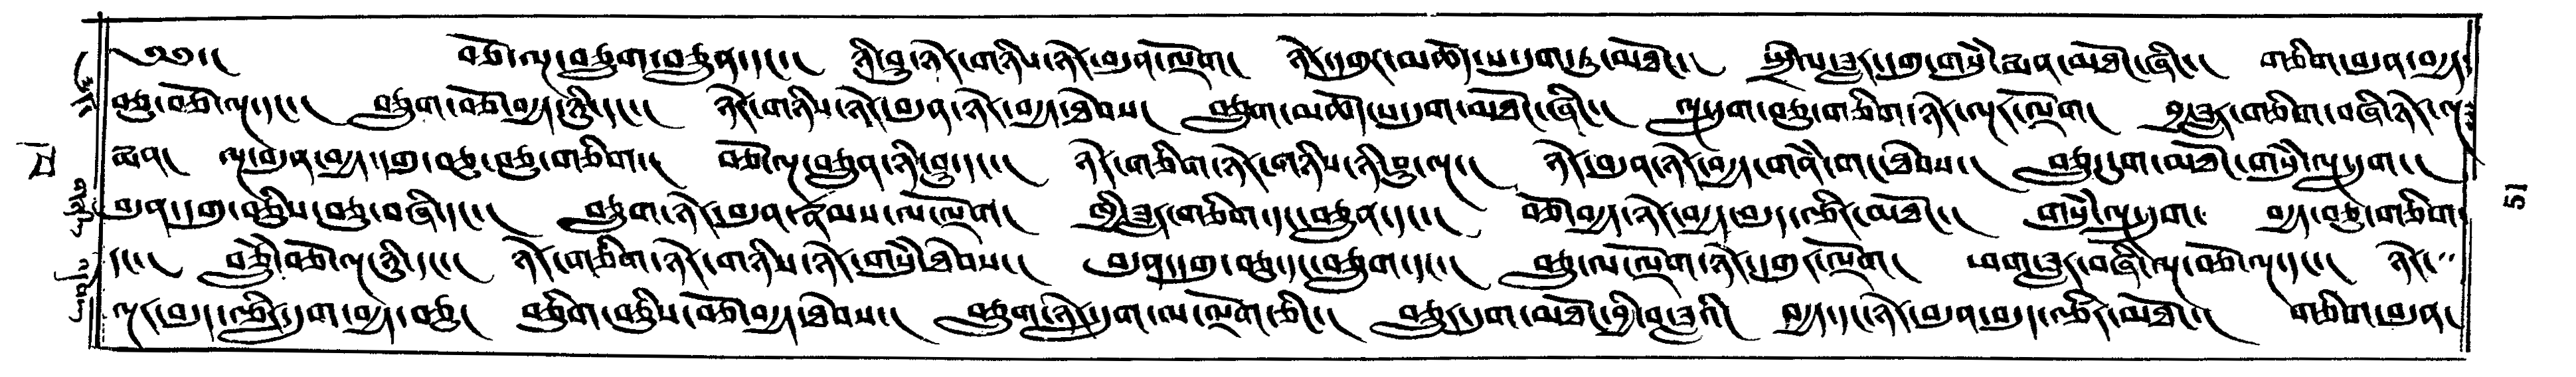བཅོ་ལྔ་བཅུ་དྲུག་བཅུ་བདུན་དང་། ཉི་ཤུ་ཉེར་གཉིས་ཉེར་བདུན་ལྡོག ཉེར་དགུར་མཆོད་པ་དུག་ཏུ་མཐོང་། སྤྲེལ་ཟླར་དགུ་གསུམ་སྨན་མཐོང་ཞིང་། གཅིག་བདུན་བརྒྱད་
བཅུ་བཅོ་ལྔ་དང་། བཅུ་དྲུག་བཅོ་བརྒྱད་ཉི་ཤུ་དང་། ཉེར་གཉིས་ཉེར་བདུན་ཉེར་བརྒྱད་ཐེབས། བཅུ་དྲུག་མཆོད་པ་དུག་མཐོང་ཞིང་། ལྔ་དྲུག་བཅུ་གཅིག་ཉེར་ལྔར་ལྡོག བྱ་ཟླར་གཅིག་བཞི་ཉེར་ལྔ་
སྨན། ལྔ་བདུན་བརྒྱད་དགུ་བཅུ་བཅུ་གཅིག བཅོ་ལྔ་བཅུ་བདུན་ཉི་ཤུ་དང་། ཉེར་གཅིག་ཉེར་གཉིས་ཉི་ཤུ་ལྔ། ཉེར་བདུན་ཉེར་བརྒྱད་གནམ་གང་ཐེབས། བཅུ་དྲུག་མཐོང་གསུམ་ལྔ་དྲུག 
བདུན་དགུ་བཅུ་གཉིས་བཅུ་བཞི་དང་། བཅུ་དྲུག་ཉེར་བདུན་རྣམས་ལ་ལྡོག ཁྱི་ཟླར་གཅིག་དང་བཅུ་བདན་དང་། བཅོ་བརྒྱད་ཉེར་བརྒྱད་བདུད་རྩིར་མཐོང་། གསུམ་ལྔ་དྲུག བརྒྱད་བཅུ་གཅིག་
རང་། བཅུ་གསུམ་བཅོ་ལྔ་ཉི་ཤུ་དང་། ནེར་གཅིག་ཉེར་གཉིས་ཉེར་གསུམ་ཐེབས། བདུན་དགུ་བཅུ་དང་བཅུ་དྲུག་དང་། བཅུ་དགུ་ལ་ལྡོག་ཉེར་དགུར་ལྡོག ཕག་ཟླར་བཞི་ལྔ་བཅོ་ལྔ་དང་། ཉེར་
ལྔར་བདུད་རྩིར་དྲུག་བརྒྱད་བཅུ། བཅུ་གཅིག་བཅུ་གཉིས་བཅོ་བརྒྱད་ཐེབས། བཅུ་དྲུག་ཉེར་དྲུག་ལ་ལྡོག་ཅིང་། བཅུ་དགུར་དུག་མཐོང་བྱི་བ་ཟླའི། བརྒྱད་དང་ཉེར་བདུན་བདུད་རྩིར་མཐོང་། གཅིག་བདུན་